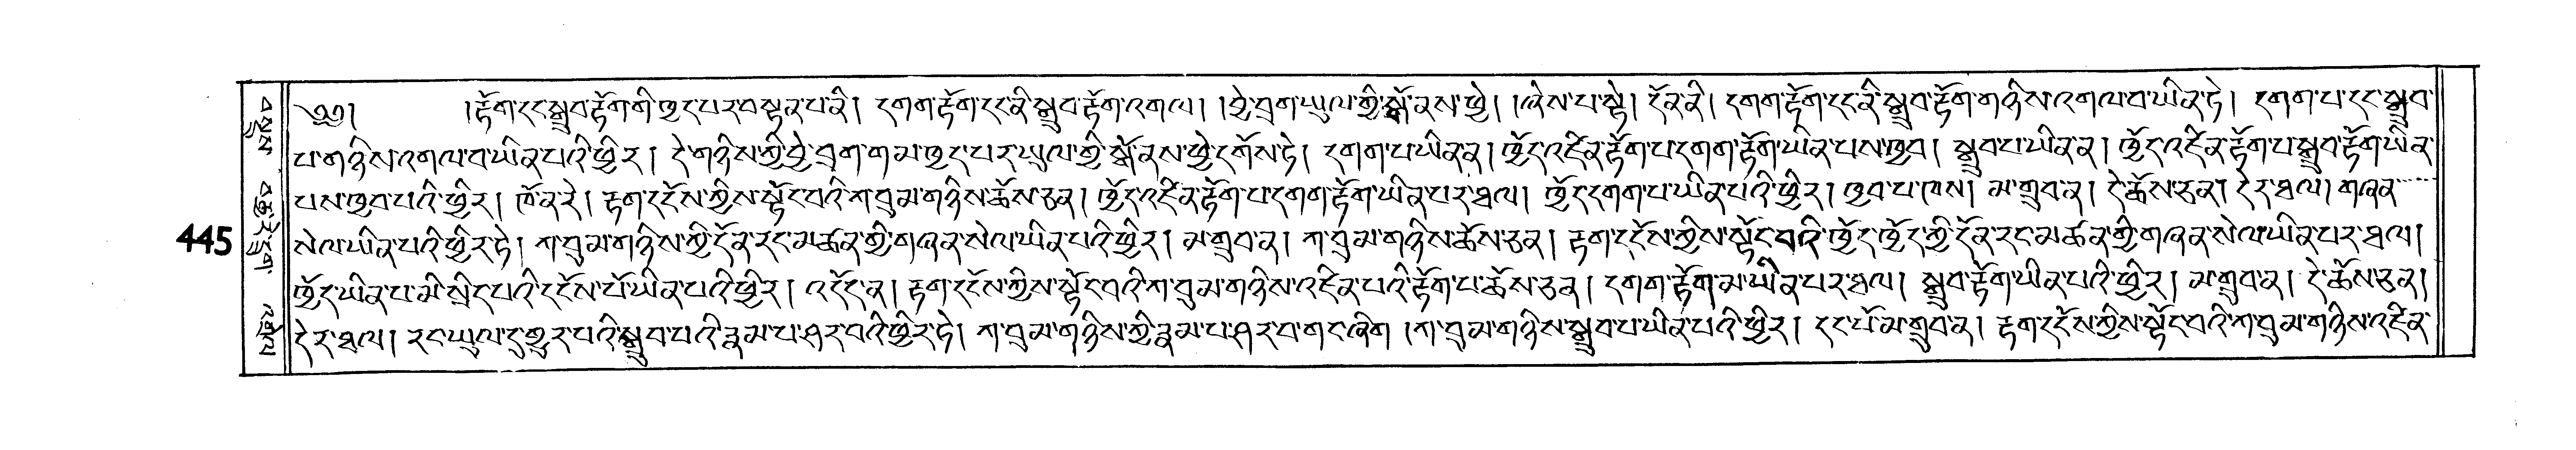༄༅། །རྟོག་དང་སྒྲུབ་རྟོག་གི་ཁྱད་པར་བསྟན་པ་ནི། དགག་རྟོག་དང་ནི་སྒྲུབ་རྟོག་འགལ། །བྱེ་བྲག་ཡུལ་གྱི་སྒོ་ནས་ཕྱེ། །ཞེས་པ་སྟེ། དོན་ནི། དགག་རྟོག་དང་ནི་སྒྲུབ་རྟོག་གཉིས་འགལ་བ་ཡིན་ཏེ། དགག་པ་དང་སྒྲུབ་
པ་གཉིས་འགལ་བ་ཡིན་པའི་ཕྱིར། དེ་གཉིས་ཀྱི་བྱེ་བྲག་གམ་ཁྱད་པར་ཡུལ་གྱི་སྒོ་ནས་ཕྱེ་དགོས་ཏེ། དགག་པ་ཡིན་ན། ཁྱོད་འཛིན་རྟོག་པ་དགག་རྟོག་ཡིན་པས་ཁྱབ། སྒྲུབ་པ་ཡིན་ན། ཁྱོད་འཛིན་རྟོག་པས་སྒྲུབ་རྟོག་ཡིན་
པས་ཁྱབ་པའི་ཕྱིར། ཁོ་ན་རེ། རྟག་དངོས་ཀྱིས་སྟོང་བའི་ཀ་བུམ་གཉིས་ཆོས་ཅན། ཁྱོད་འཛིན་རྟོག་པ་དགག་རྟོག་ཡིན་པར་ཐལ་། ཁྱོད་དགག་པ་ཡིན་པའི་ཕྱིར། ཁྱབ་པ་ཁས། མ་གྲུབ་ན། དེ་ཆོས་ཅན། དེར་ཐལ། གཞན་
སེལ་ཡིན་པའི་ཕྱིར་ཏེ། ཀ་བུམ་གཉིས་ཀྱི་དོན་རང་མཚན་གྱི་གཞན་སེལ་ཡིན་པའི་ཕྱིར། མ་གྲུབ་ན། ཀ་བུམ་གཉིས་ཆོས་ཅན། རྟག་དངོས་ཀྱི་སྟོང་བའི་ཁྱོད་ཁྱོད་ཀྱི་དོན་རང་མཚན་གྱི་གཞན་སེལ་ཡིན་པར་ཐལ།
ཁྱོད་ཡིན་པ་མི་སྲིད་པའི་དངོས་པོ་ཡིན་པའི་ཕྱིར། འདོད་ན། རྟག་དངོས་ཀྱིས་སྟོང་བའི་ཀ་བུམ་གཉིས་འཛིན་པའི་རྟོག་པ་ཆོས་ཅན། དགག་རྟོག་མ་ཡིན་པར་ཐལ། སྒྲུབ་རྟོག་ཡིན་པའི་ཕྱིར། མ་གྲུབ་ན། དེ་ཆོས་ཅན།
དེར་ཐལ། རང་ཡུལ་དུ་གྱུར་པའི་སྒྲུབ་པའི་རྣམ་པ་ཤར་བའི་ཕྱིར་ཏེ། ཀ་བུམ་གཉིས་ཀྱི་རྣམ་པ་ཤར་བ་གང་ཞིག །ཀ་བུམ་གཉིས་སྒྲུབ་པ་ཡིན་པའི་ཕྱིར། དང་པོ་མ་གྲུབ་ན། རྟག་དངོས་ཀྱིས་སྟོང་བའི་ཀ་བུམ་གཉིས་འཛིན་